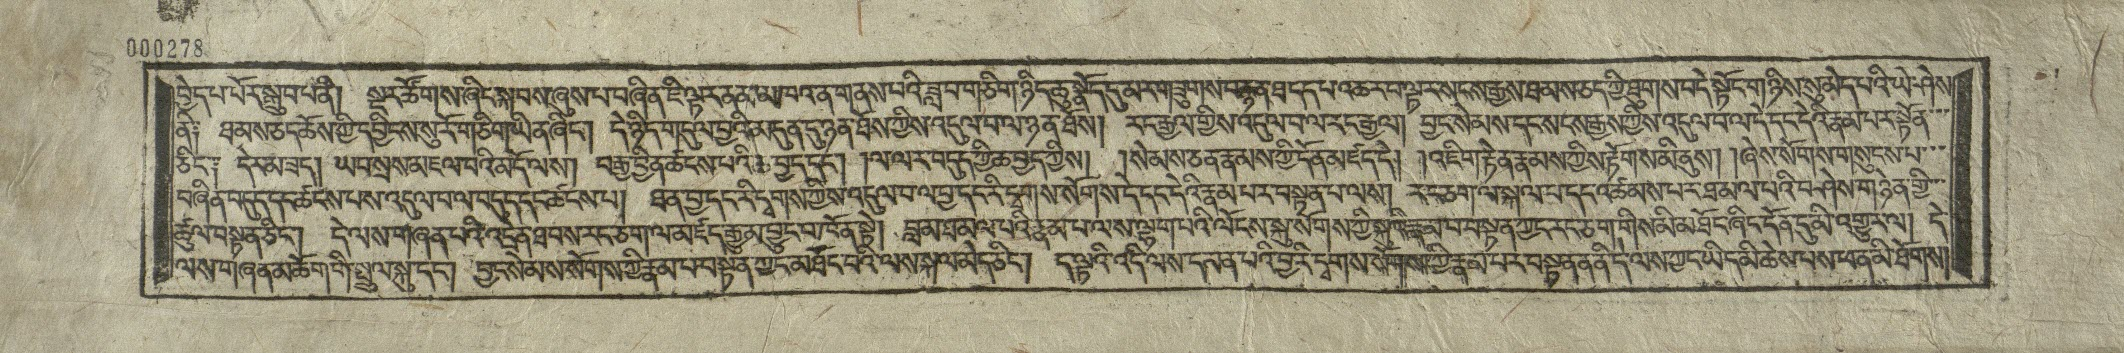བྱེད་པ་པོར་སྒྲུབ་པ་ནི། སྔར་ཚོགས་ཞིང་སྐབས་ཞུས་པ་བཞིན་ཇི་ལྟར་ནམ་མཁའ་ན་གནས་པའི་ཟླ་བ་གཅིག་ཉིད་ཆུ་སྣོད་དུ་མར་གཟུགས་བརྙན་ཐ་དད་པ་འཆར་བ་ལྟར་སངས་རྒྱས་ཐམས་ཅད་ཀྱི་ཐུགས་བདེ་སྟོང་གཉིས་སུ་མེད་པའི་ཡེ་ཤེས་
ནི༑ ཐམས་ཅད་ཆོས་ཀྱི་དབྱིངས་སུ་རོ་གཅིག་ཡིན་ཞིང་། དེ་ཉིད་གདུལ་བྱའི་མདུན་དུ་ཉན་ཐོས་ཀྱིས་འདུལ་བ་ལ་ཉན་ཐོས། རང་རྒྱལ་གྱིས་འདུལ་བ་ལ་རང་རྒྱལ། བྱང་སེམས་དང་སངས་རྒྱས་ཀྱིས་འདུལ་བ་ལ་དེ་དང་དེའི་རྣམ་པར་སྟོན་
ཅིང༑ དེར་མ་ཟད། ཡབ་སྲས་མཇལ་བའི་མདོ་ལས། བརྒྱ་བྱིན་ཚངས་པའི་ཆ་བྱད་དང་། །ལ་ལར་བདུད་ཀྱི་ཆ་བྱད་ཀྱིས། །སེམས་ཅན་རྣམས་ཀྱི་དོན་མཛད་དེ། །འཇིག་རྟེན་རྣམས་ཀྱིས་རྟོགས་མི་ནུས། །ཞེས་སེགས་གསུངས་པ་
བཞིན་བདུད་དང་ཚངས་པས་འདུལ་བ་ལ་བདུད་དང་ཚངས་པ། ཐ་ན་བྱ་དང་རི་དྭགས་ཀྱིས་འདུལ་བ་ལ་བྱ་དང་རི་དྭགས་སོགས་དེ་དང་དེའི་རྣམ་པར་བསྟན་པ་ལས། རང་ཅག་ལ་སྐལ་པ་དང་འཚམས་པར་ཐ་མལ་པའི་བཤེས་གཉེན་གྱི་
ཚུལ་བསྟན་ཅིང་། དེ་ལས་གཞན་པའི་འདྲེན་ཐབས་རང་ཅག་ལ་མཛད་རྒྱུ་མ་བྱུང་བ་ཁོ་ན་སྟེ། བླ་མ་ཐ་མལ་པའི་རྣམ་པ་ལས་ལྷག་པའི་ལོངས་སྐུ་སོགས་ཀྱི་སྐུའི་རྣམ་པ་བསྟན་ཀྱང་རང་ཅག་གིས་མི་མཐོང་ཞིང་དོན་དུ་མི་འགྱུར་ལ། དེ་
ལས་གཞན་མཆོག་གི་སྤྲུལ་སྐུ་དང་། བྱང་སེམས་སོགས་ཀྱི་རྣམ་པ་བསྟན་ཀྱང་མཐོང་བའི་ལས་སྐལ་མེད་ཅིང་། ད་ལྟའི་འདི་ལས་དམན་པའི་བྱ་རི་དྭགས་སོགས་ཀྱི་རྣམ་པར་བསྟན་ན་ནི་དེ་ལས་ཀྱང་ཡིད་མི་ཆེས་པས་ཕན་མི་ཐོགས།